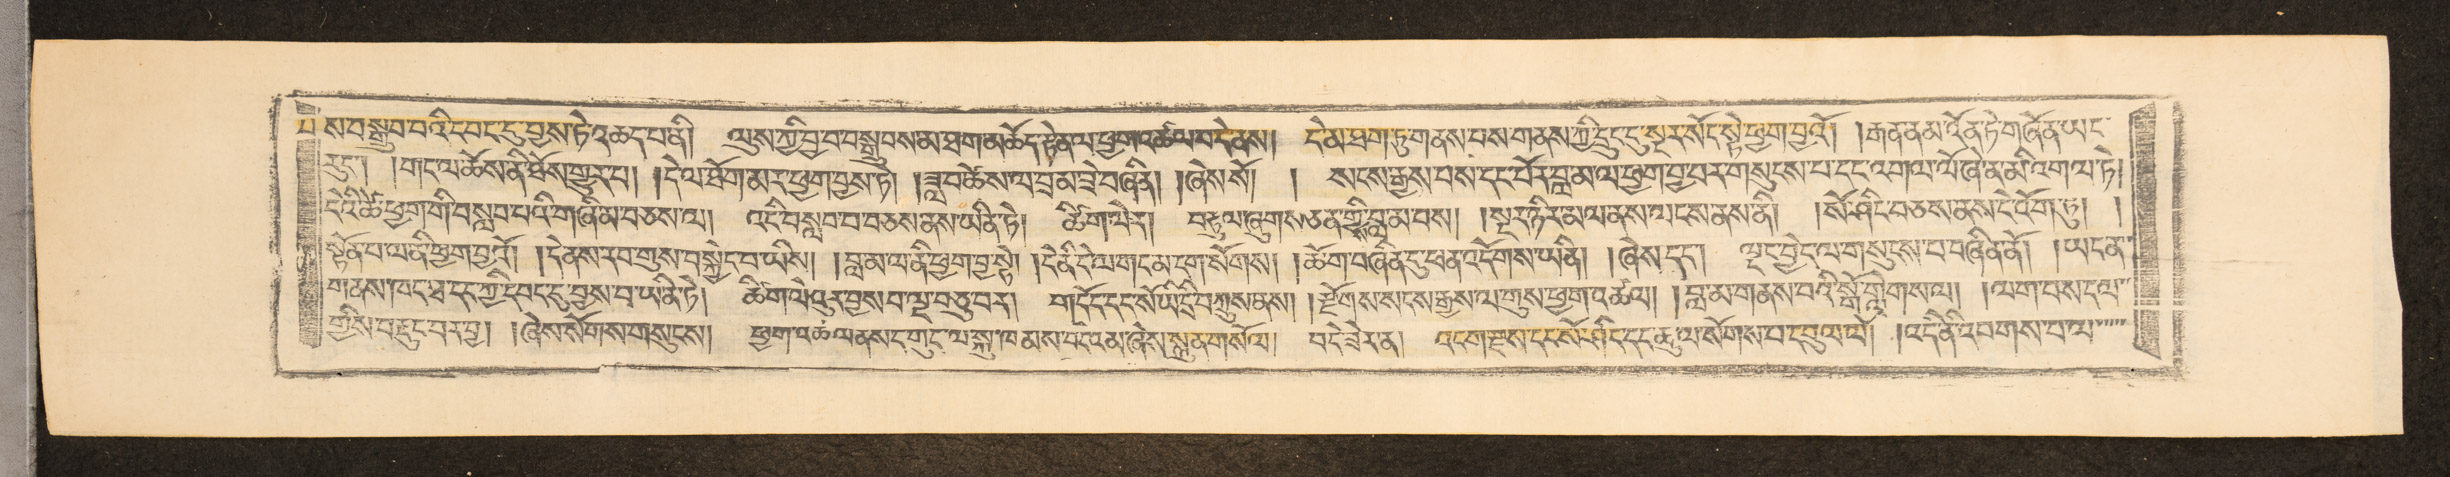པས་བསྒྲུབ་པའི་དབང་དུ་བྱས་ཏེ་འཆད་པ་ནི། ལུས་ཀྱི་བྱ་བ་བསྒྲུབས་མ་ཐག་མཆོད་རྟེན་ལ་ཕྱག་འཚལ་བ་དེ་ནས། དེ་མ་ཐག་ཏུ་གནས་པས་གནས་ཀྱི་དྲུང་དུ་སྔར་སོང་སྟེ་ཕྱག་བྱའོ། །རྒན་ནམ་འོན་ཏེ་གཞོན་ཡང་
རུང་། །གང་ལ་ཆོས་ནི་ཐོས་གྱུར་པ། །དེ་ལ་ཐོག་མར་ཕྱག་བྱས་ཏེ། །ཟླ་བ་ཚེས་ལ་བྲམ་ཟེ་བཞིན། །ཞེས་སོ། །སངས་རྒྱས་པས་དང་པོར་བླ་མ་ལ་ཕྱག་བྱ་བར་གསུངས་པ་དང་འགལ་ལོ་ཞེ་ན་མི་འགལ་ཏེ།
དེའི་ཚེ་ཕྱག་གི་བསླབ་པའི་གཞི་མ་བཅས་ལ། འདི་བསླབ་པ་བཅས་ནས་ཡིན་ཏེ། ཚིག་ལེར། བརྟུལ་ཞུགས་ཅན་གྱིས་བླ་མ་བས། །སྔར་ཉིད་མལ་ནས་ལངས་ནས་ནི། །སོ་ཤིང་བཅས་ནས་དེ་འོག་ཏུ། །
སྟོན་པ་ལ་ནི་བྱག་བྱའོ། །དེ་ནས་རབ་གུས་བསྐྱེད་པ་ཡིས། །བླ་མ་ལ་ནི་ཕྱག་བྱ་སྟེ། །དེ་ནི་དེ་ལ་གདམ་དག་སོགས། །ཆོ་ག་བཞིན་དུ་ཕན་འདོགས་ཡིན། །ཞེས་དང་། ལྡང་བྱེད་ལ་གསུངས་པ་བཞིན་ནོ། །ཡང་ན་
གནས་ཁང་ཐ་དད་ཀྱི་དབང་དུ་བྱས་པ་ཡིན་ཏེ། ཚིག་ལེའུར་བྱས་པ་ལྔ་བཅུ་པར། གདོང་དང་སོ་ཡི་དྲི་བཀྲུས་ནས། །རྫོགས་སངས་རྒྱས་ལ་གུས་ཕྱག་འཚལ། །བླ་མ་གནས་པའི་སྒོ་གླེགས་ལ། །ལག་པས་དལ་
གྱིས་བརྡུང་བར་བྱ། །ཞེས་སོགས་གསུངས། ཕྱག་འཚལ་ནས་དགུང་ལ་སྐུ་ཁམས་བདེའམ་ཞེས་སྙུན་གསོལ། བདེ་ཟེར་ན། འདག་རྫས་དང་སོ་ཤིང་དང་ཆུ་ལ་སོགས་པ་དབུལ་ལོ། །འདི་ནི་འབགས་པ་ལ་